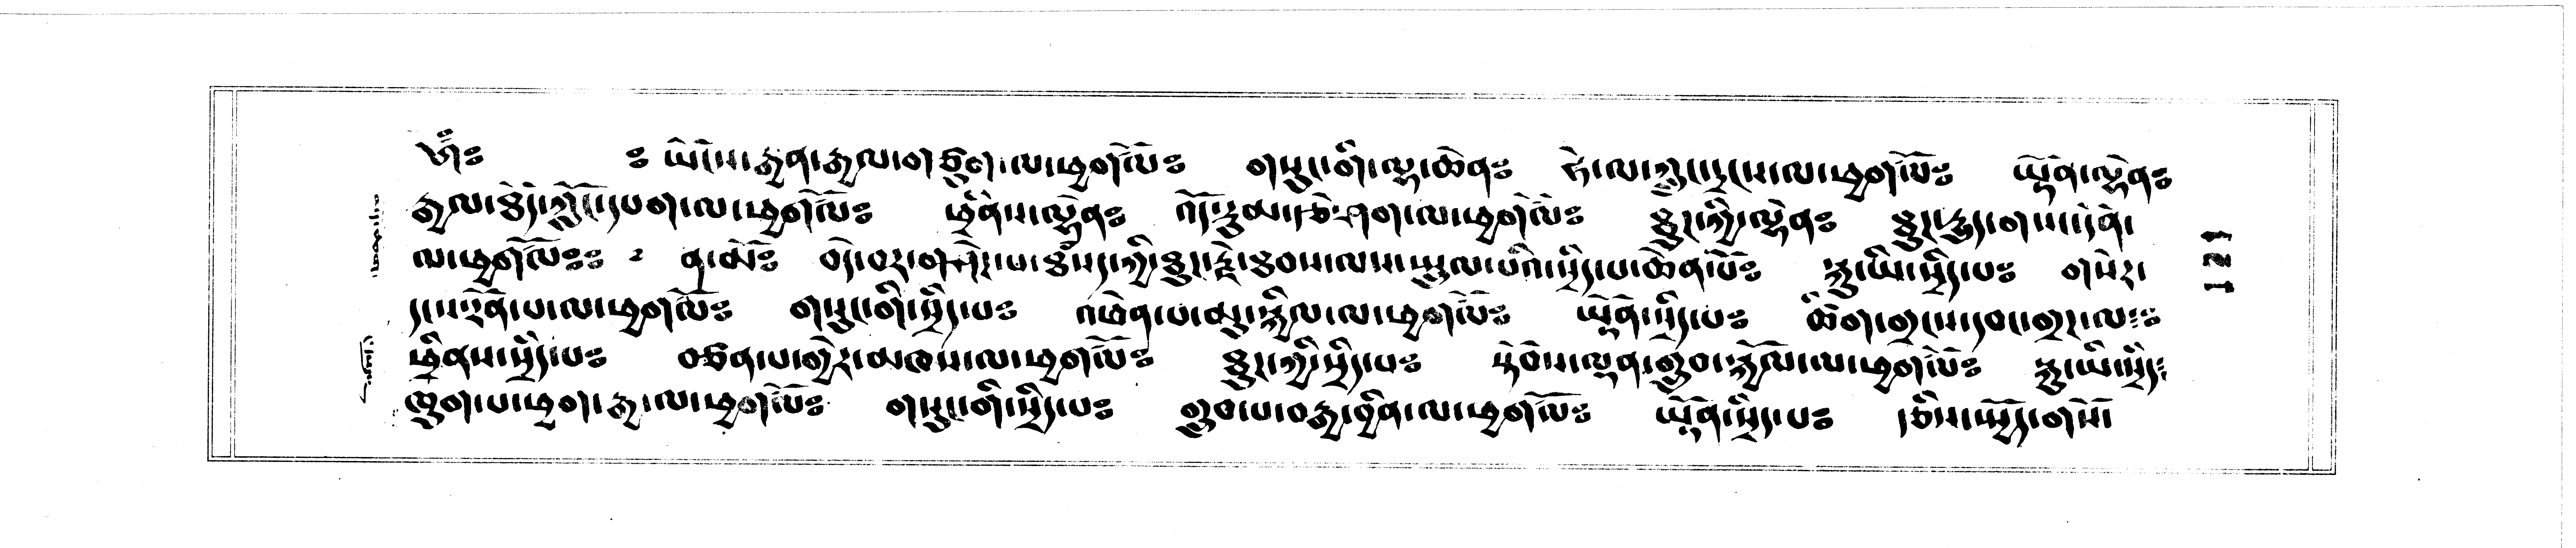ཡོངས་རྒྱན་རྒྱལ་གཙུག་ལ་ཕྱག་འཚལ་ལོཿ གསུང་གི་ལྷ་ཆེནཿ ཧེ་ལ་ཀླུང་དྲངས་ལ་ཕྱག་འཚལ་ལོཿ ཡོན་ཏན་གྱི་ལྷ་ཆེནཿ 
རྒྱལ་ཐོད་ཀློང་དཔག་ལ་ཕྱག་འཚལ་ལོཿ ཕྲིན་ལས་ཀྱི་ལྷ་ཆེནཿ འོད་རུམ་རྩེ་ཤག་ལ་ཕྱག་འཚལ་ལོཿ ཐུགས་ཀྱི་ལྷ་ཆེནཿ ཐུགས་རྒྱུད་གསང་དོན་
ལ་ཕྱག་འཚལ་ལོཿ ན་མོ་བདེ་བར་གཤེགས་པ་ཐམས་ཅད་ཀྱི་ཐུགས་རྗེ་ཐབས་ལས་སྤྲུལ་པའི་སྲིད་པ་ཆེན་པོཿ སྐུ་ཡི་སྲིད་པཿ གསེར་
དང་རོན་པ་ལ་ཕྱག་འཚལ་ལོཿ གསུང་གི་སྲིད་པཿ འཕེན་པ་མུ་སྐྱིལ་ལ་ཕྱག་འཚལ་ལོཿ ཡོན་ཏན་གྱི་སྲིད་པཿ ཚིག་གྲངས་དབང་གྲགས་ལ་ཕྱག་འཚལ་ལོཿ
 ཕྲིན་ལས་ཀྱི་སྲིད་པཿ བཙན་པ་གྱེར་མཁས་ལ་ཕྱག་འཚལ་ལོཿ ཐུགས་ཀྱི་སྲིད་པཿ སྟོབས་ལྡན་གྲུབ་སྐྱོལ་ལ་ཕྱག་འཚལ་ལོཿ སྐུ་ཡི་སྲིད་པཿ 
ཁུག་པ་ཕྱག་རྒྱ་ལ་ཕྱག་འཚལ་ལོཿ གསུང་གི་སྲིད་པཿ གྲུབ་པ་བརྒྱ་བྱིན་ལ་ཕྱག་འཚལ་ལོཿ ཡོན་ཏན་གྱི་སྲིད་པཿ རྩིས་སྤྱོད་གསོ་